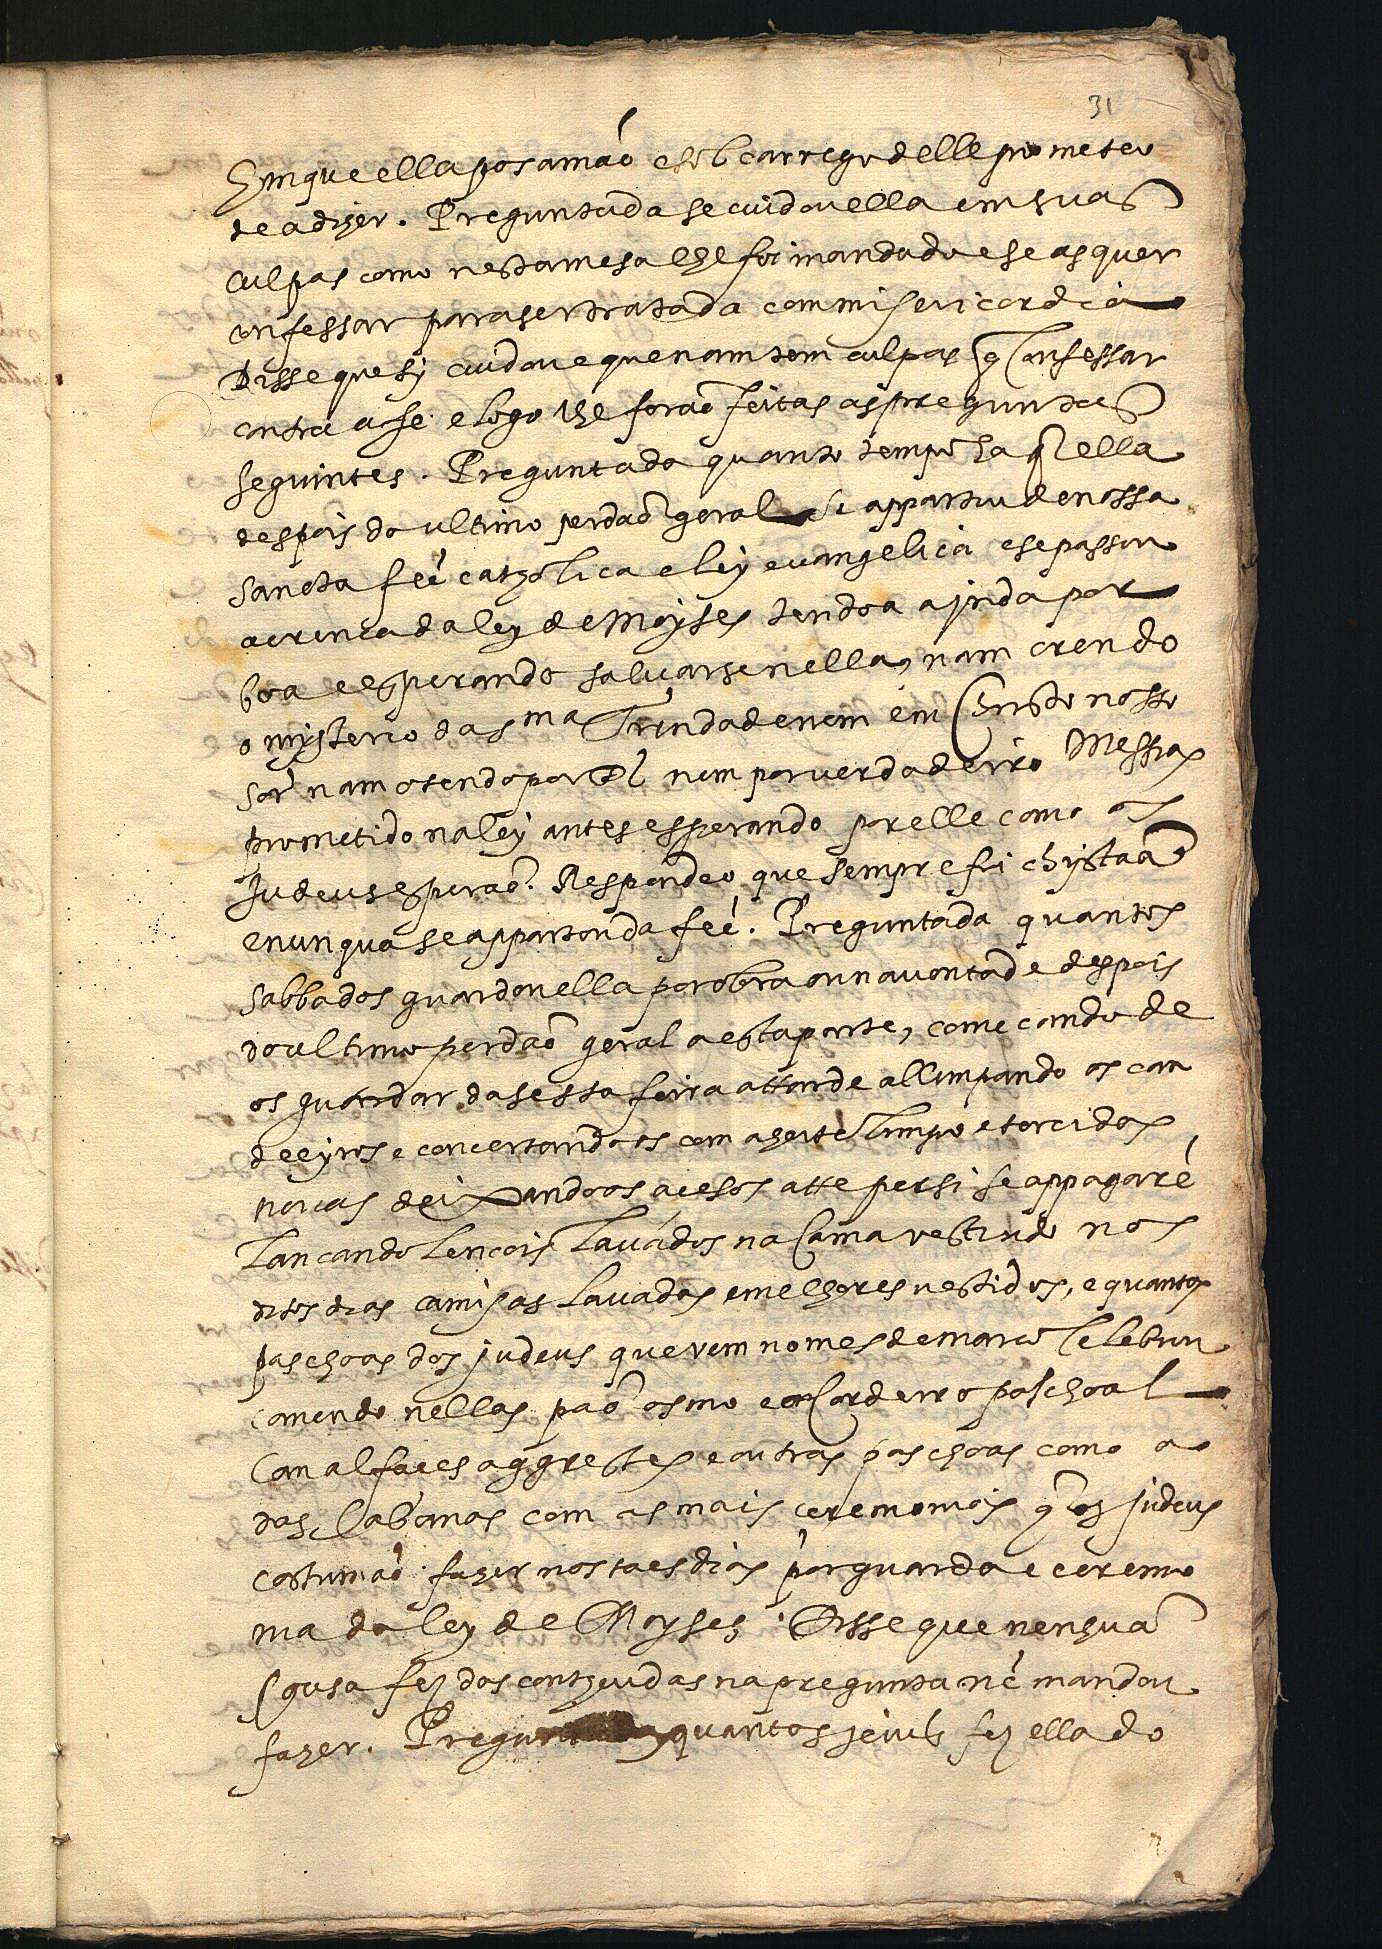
Em que ella pos a maõ e sob carrego delle prometeo
de a dizer. Preguntada se cuidou ella em suas
culpas como nesta mesa lhe foi mandado e se as quer
confessar para ser tratada com misericordia
Disse que sy cuidou e que nam tem culpas q̄ Confessar
contra a fe. e logo lhe foraõ feitas as preguntas
seguintes. Preguntada quanto tempo ha q̄ ella
depois do ultimo perdaõ geral se appartou de nossa
sancta feé catholica e ley euangelica e se passou
a crenca da ley de moyses tendoa ajnda por
boa e esperando saluarse nella, nam crendo
o mysterio da sma Trindade nem em Christo nosso
sor̄ nam o tendo por Ds̄ nem por uerdadeiro Messias
prometido na ley antes esperando por elle como os
Judeus esperaõ. Respondeo que sempre foi christaã
e nunqua se appartou da feé. Preguntada quantos
sabbados guardou ella por obra ou na uontade despois
do ultimo perdaõ geral a esta parte, comecando de
os guardar da sesta feira a ttarde allimpando os can
deeyros e concertandoas com azeite limpo e torcidas
nouas deixandoos açesos atte per si se appagarẽ
Lancando Lencois Lauados na Cama vestindo nos
ditos dias camisas Lauadas e melhores uestidos, e quantas
paschoas dos judeus que vem no mes de marco Celebrou
comendo nellas paõ asmo e o Cordeiro paschoal
Com alfaçes aggrestes e outras paschoas como a
das Cabanas com as mais çeremonias q̄ os judeus
costumaõ fazer nos taes dias por guarda e ceremo
nia da ley de Moyses. Disse que nenhuā
Cousa fez das contheudas na pregunta nẽ mandou
fazer. Pregun___os quantos jeiūs fez ella do
